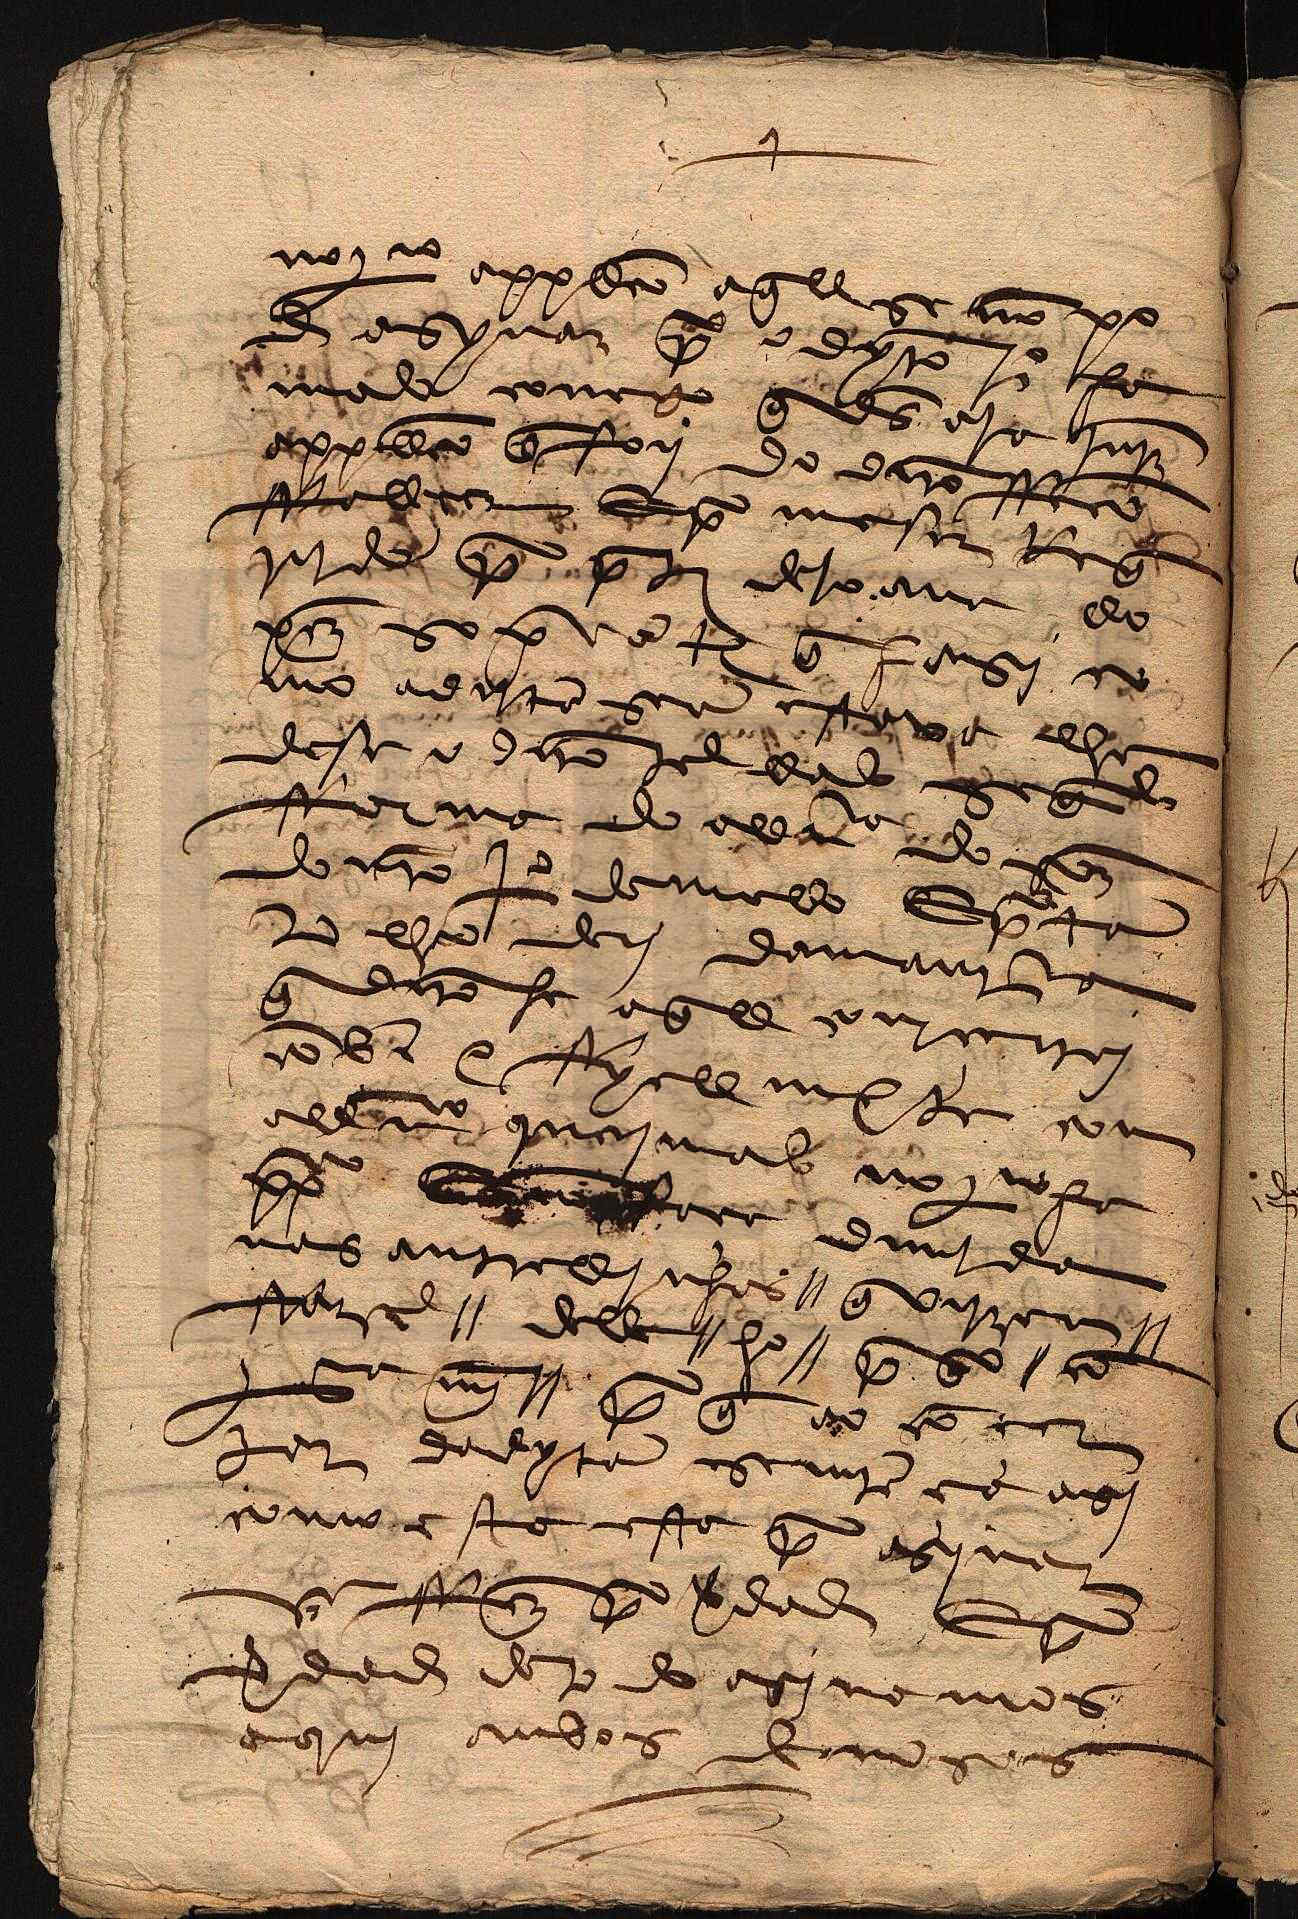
notro appllco a q̄ll se nō po
de asynar p̄o o dyto Jmo ha
mado conego q̄ ds̄ aja jujz
appllco q̄ foy do dito ffec̄o
ffallecer E p̄o me ser Req̄
rydo p̄o p̄te de Joana llo
pez sop̄cāte q̄ hasy co
mo a dyta sçā estava lhe
dese o dito terllado seḡdo
forma do allura do sōr
doutō Jo de mello E p̄otā
to lho dey da manrra
q̄ dito he o q̄ll comcertej
c̄o bē e ffyellmēte com
alluro queymado notro ha
ppco E nō faça duujda
nas antrelljnhas // q̄ vyzem //
ffazē // delle // ho // p̄so // c̄o
tra m̄j // p̄oq̄ ao c̄ocer
tar da dyta semtēça asy
como esta esta p̄o asynar
se ffez p̄o ꝟdade E p̄o
ꝟdade de todo asynamos
aquj ambos de nosos
